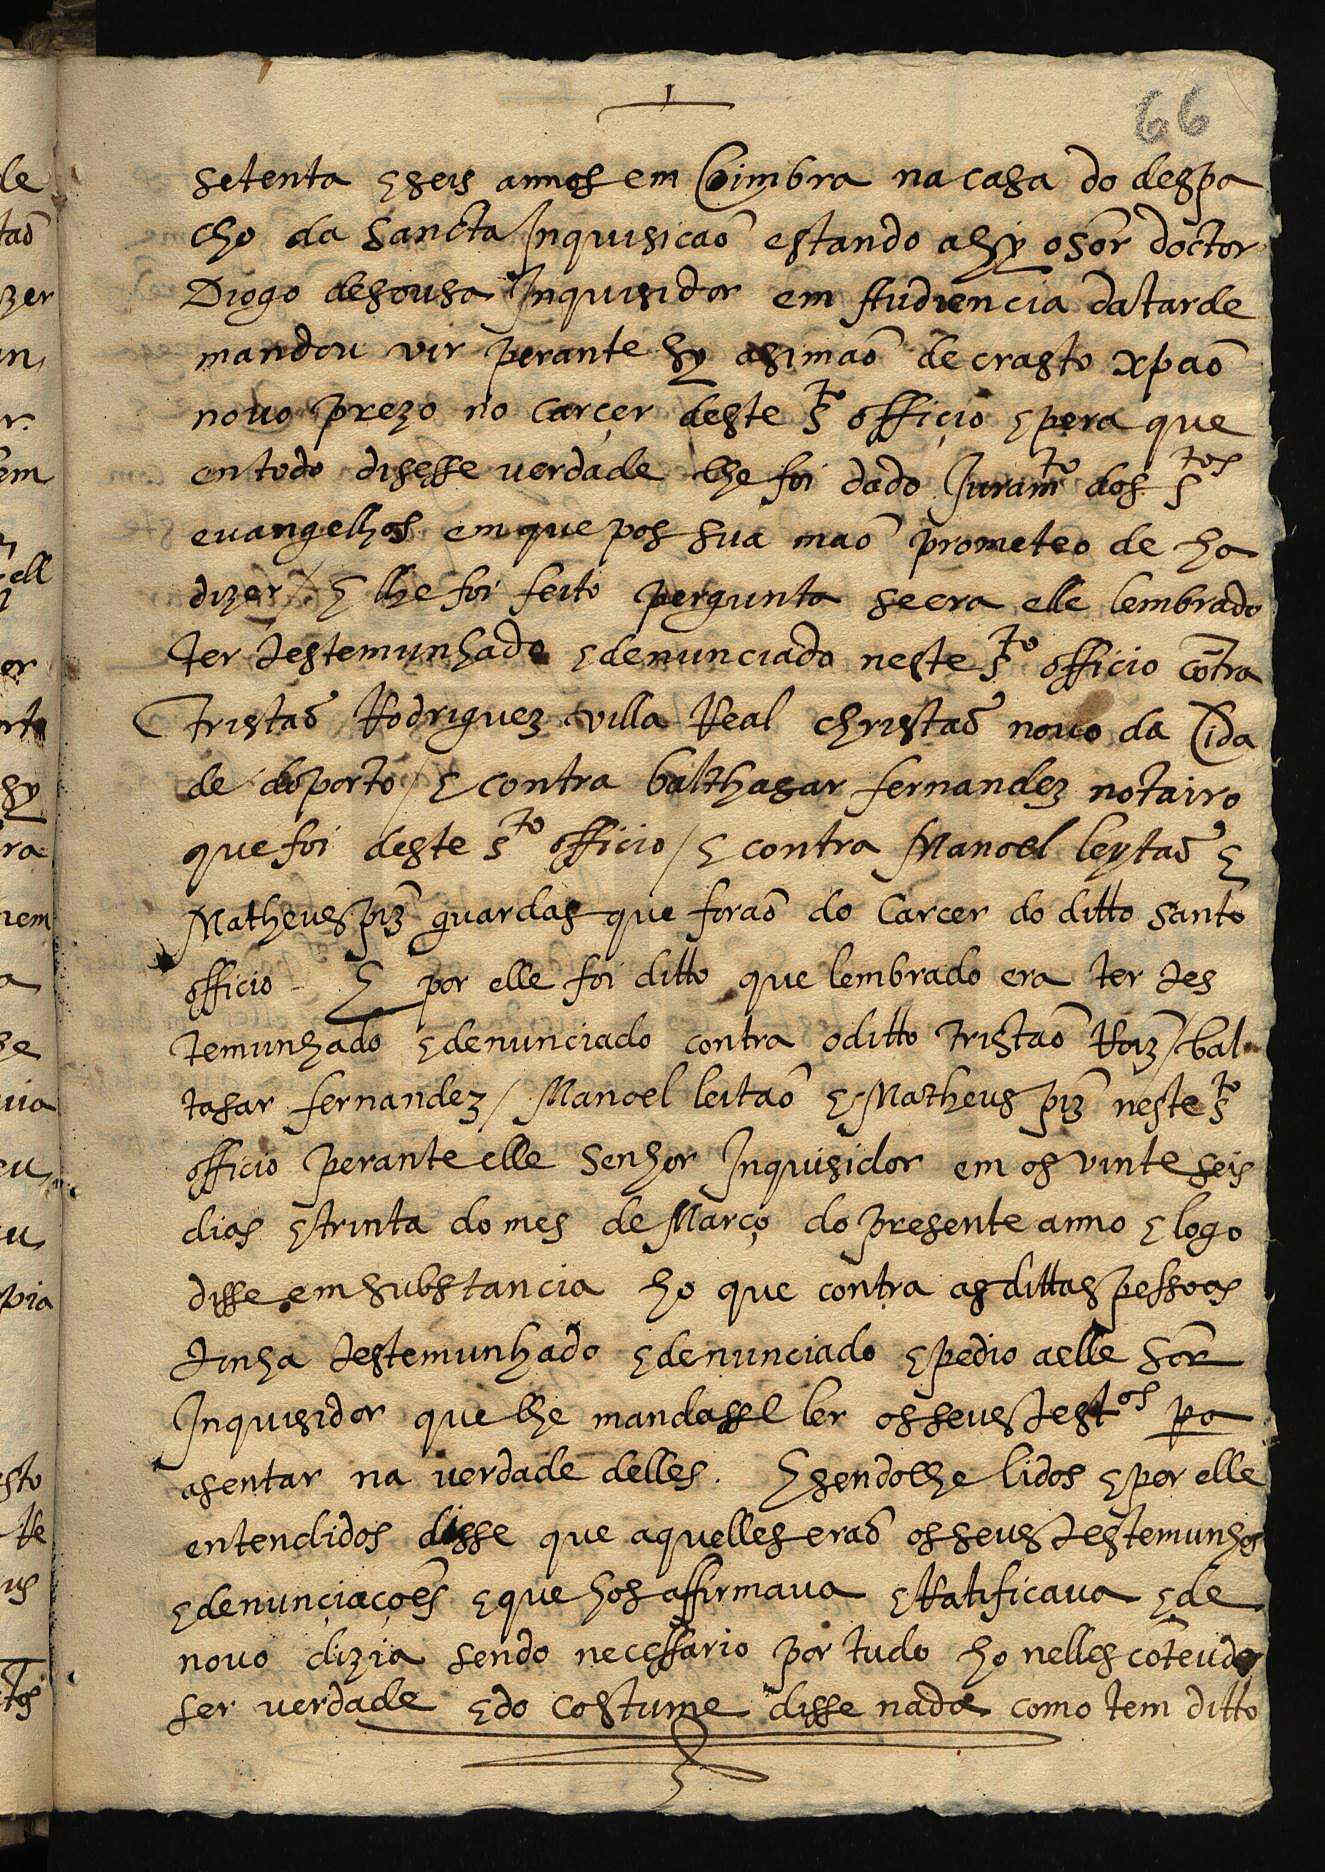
setenta E seis annos em Coimbra na casa do despa
cho da Sancta Jnquisição estando ahy o so̅r doctor
Diogo de sousa Jnquisidor em Audiencia da tarde
mandou vir perante sy a simaõ de crasto xpaõ
nouo prezo no carcer deste sto officio E pera que
en todo disesse uerdade lhe foi dado Juramto dos stos
euangelhos em que pos sua maõ prometeo de ha
dizer / E lhe foi feito pergunta se era elle lembrado
ter testemunhado E denunciado neste sto officio cōtra
tristaõ Rodriguez villa Real christaõ nouo da Cida
de do porto / E contra balthasar fernandez notairo
que foi deste sto officio / E contra Manoel leytaõ E
Matheus piz̄ guardas que foraõ do Carcer do ditto santo
officio. E por elle foi ditto que lembrado era ter tes
temunhado E denunciado contra o ditto tristaõ Roiz̄ / bal
tasar fernandez / Manoel leitaõ E Matheus piz̄ neste sto
officio perante elle Senhor Jnquisidor em os vinte seis
dias E trinta do mes de Março do presente anno E logo
disse em substancia ho que contra as dittas pessoas
tinha testemunhado E denunciado E pedio a elle sōr
Jnquisidor que lhe mandasse ler os seus testos ꝑa
asentar na uerdade delles. E sendolhe lidos E por elle
entendidos disse que aquelles eraõ os seus testemunhos
E denunciaçoẽs E que hos affirmaua E Ratificaua E de
nouo dizia sendo necessario por tudo ho nelles cōteudo
ser uerdade E do costume disse nada como tem ditto
